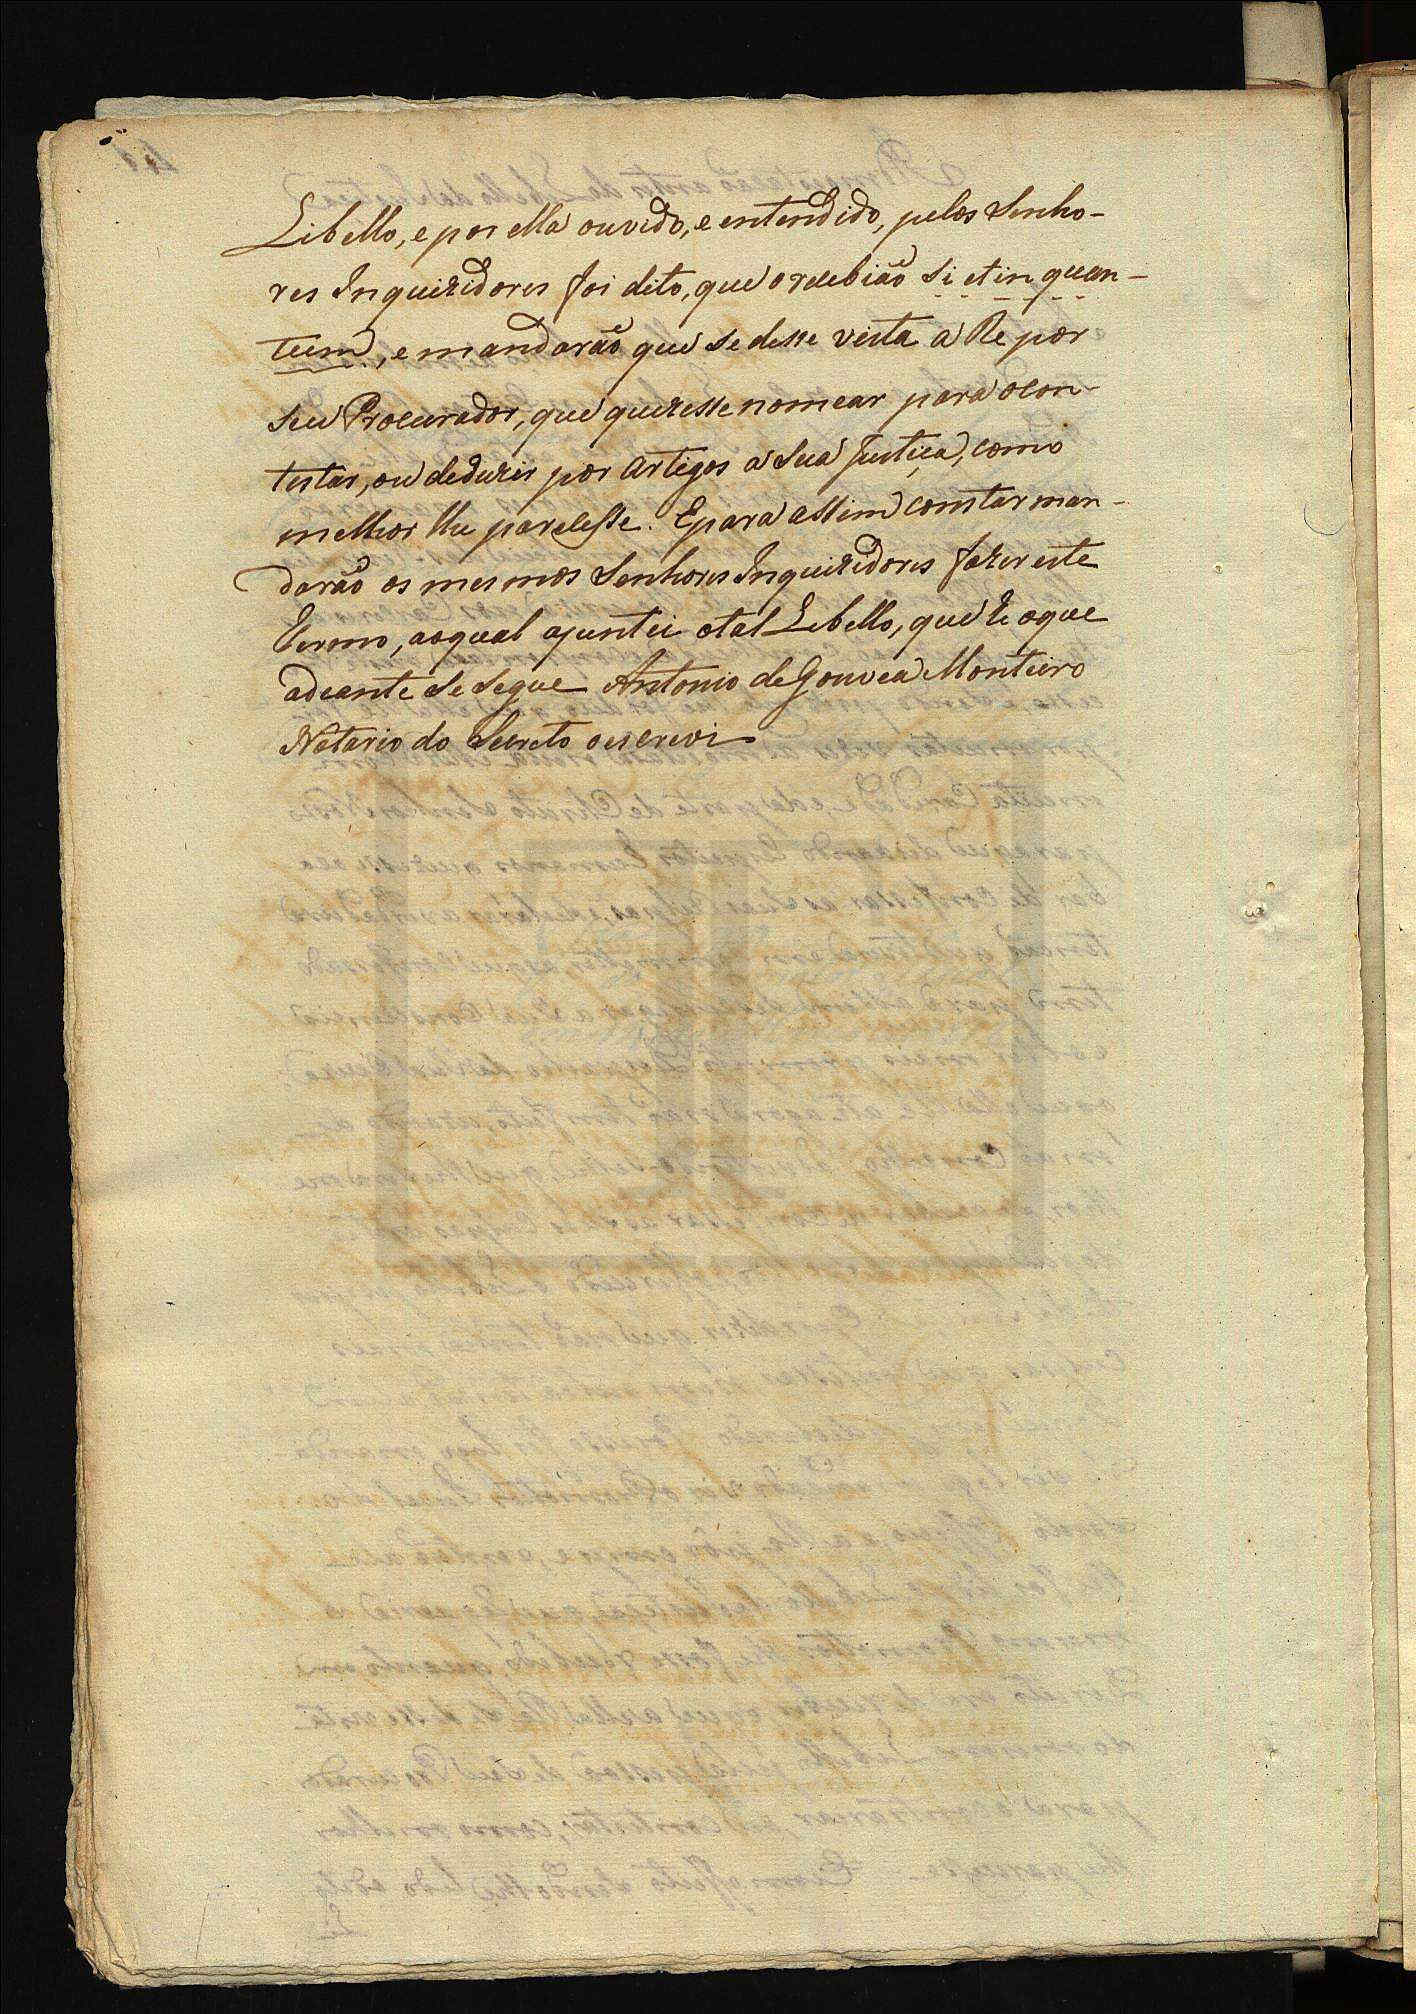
Libello, e por ella ouvido, e entendido, pelos Senho
res Inquizidores foi dito, que o recebiaõ si et in quan
tum, e mandaraõ que se desse vista a Re por
seu Procurador, que quizesse nomear para o con
testar, ou deduzir por artigos a sua Justiça, como
melhor lhe parecesse. E para assim constar man
darão os mesmos Senhores Inquizidores fazer este
Termo, ao qual juntei o tal Libello, que he o que
adiante se segue Antonio de Gouvea Monteiro
Notario do Secreto o escrevi
